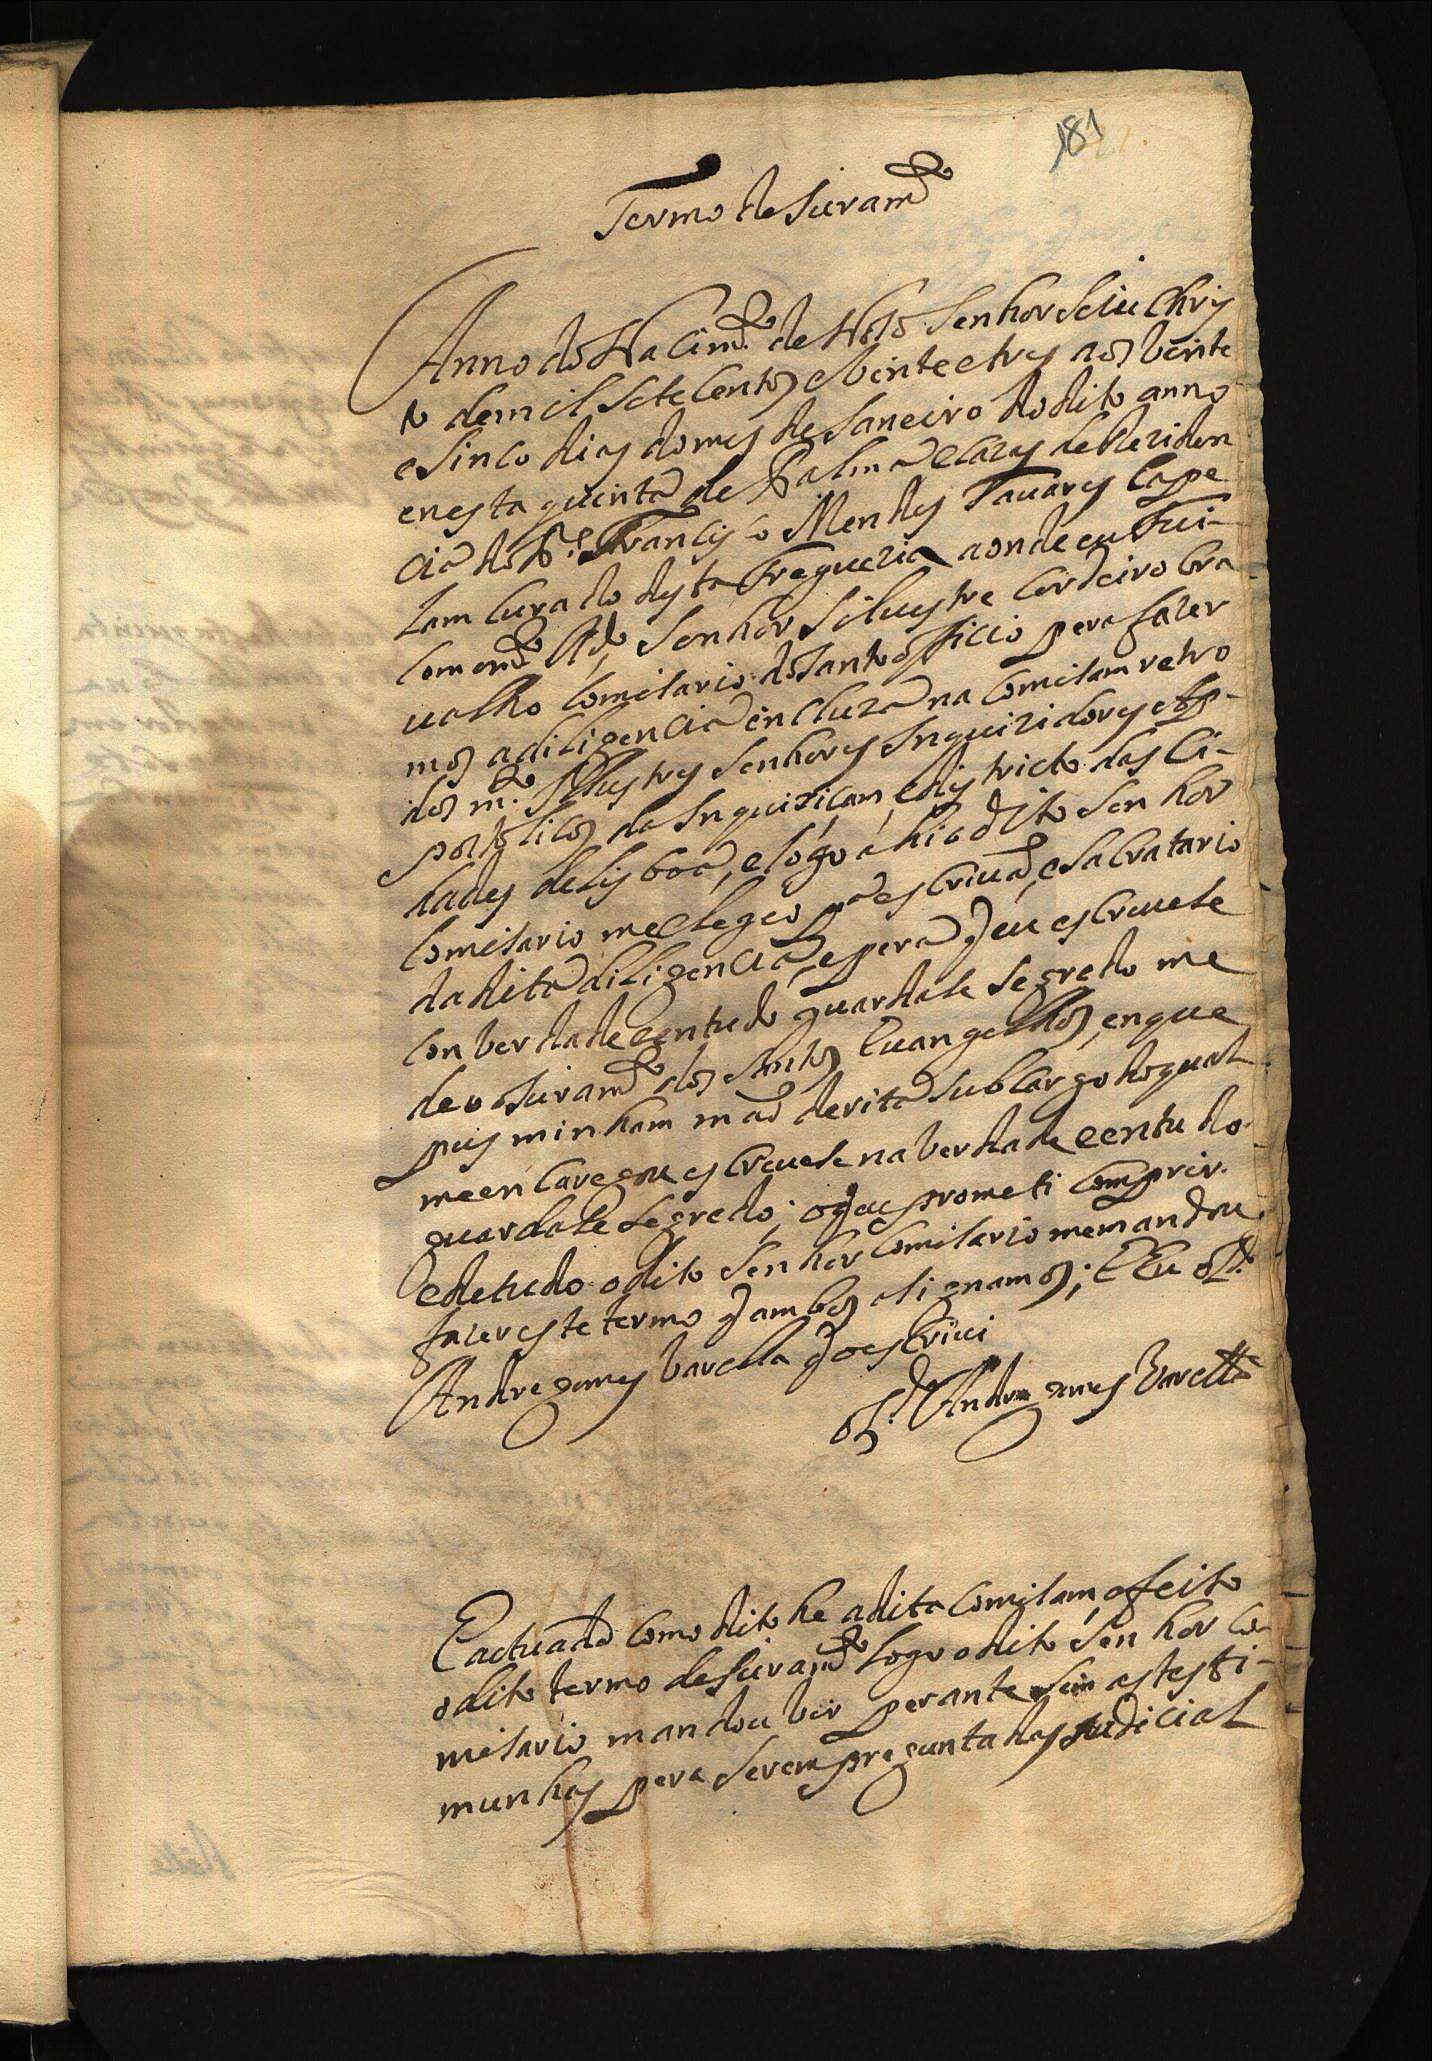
Termo de Iuramto
Anno do Nacim.to de Noso Senhor Iesu Chris
to de mil seteCentos e vinte e tres aos vinte
e sinco dias do mes de Ianeiro do dito anno
e nesta quinta de Palma e cazas de Reziden
cia do P.e Francisco Mendes Tauares Cape
lam Curado desta Freguezia aonde eu Frei
Com o m.to Rd,o senhor siluestre Cordeiro Cra
ualho Comisario do santo officio pera fazer
mos a diligencia incluza na Comisam retro
dos m.to Illustres senhores Inquizidores Ap
postolicos da Inquiziçam, e districto das Ci
dades de lisboa, e logo ahi o dito senhor
Comisario me elegeo pa esCriuaõ, e saCratario
da dita diligencia, e pera q̄ eu esCreuese
con verdade e en tudo guardase segredo me
deo o Iuramto dos santos Euangelhos, en que
pus minham maõ derita sub cargo do quaL
me enCaregou esCreuese na verdade e en tudo
guardase segredo; o que prometi Comprir.
e de tudo o dito senhor Comisario me mandou
fazer este termo q̄ ambos asignamos; E Eu o L.do
Andre gomes Varella q̄ o esCriui
o L.do Andre gomes Varella
E actuada Como ditto he a dita Comisam, e feito
o dito termo de juramto logo o dito senhor Co
misario mandou vir perante sim as testi
munhas pera serem preguntadas IudiciaL
